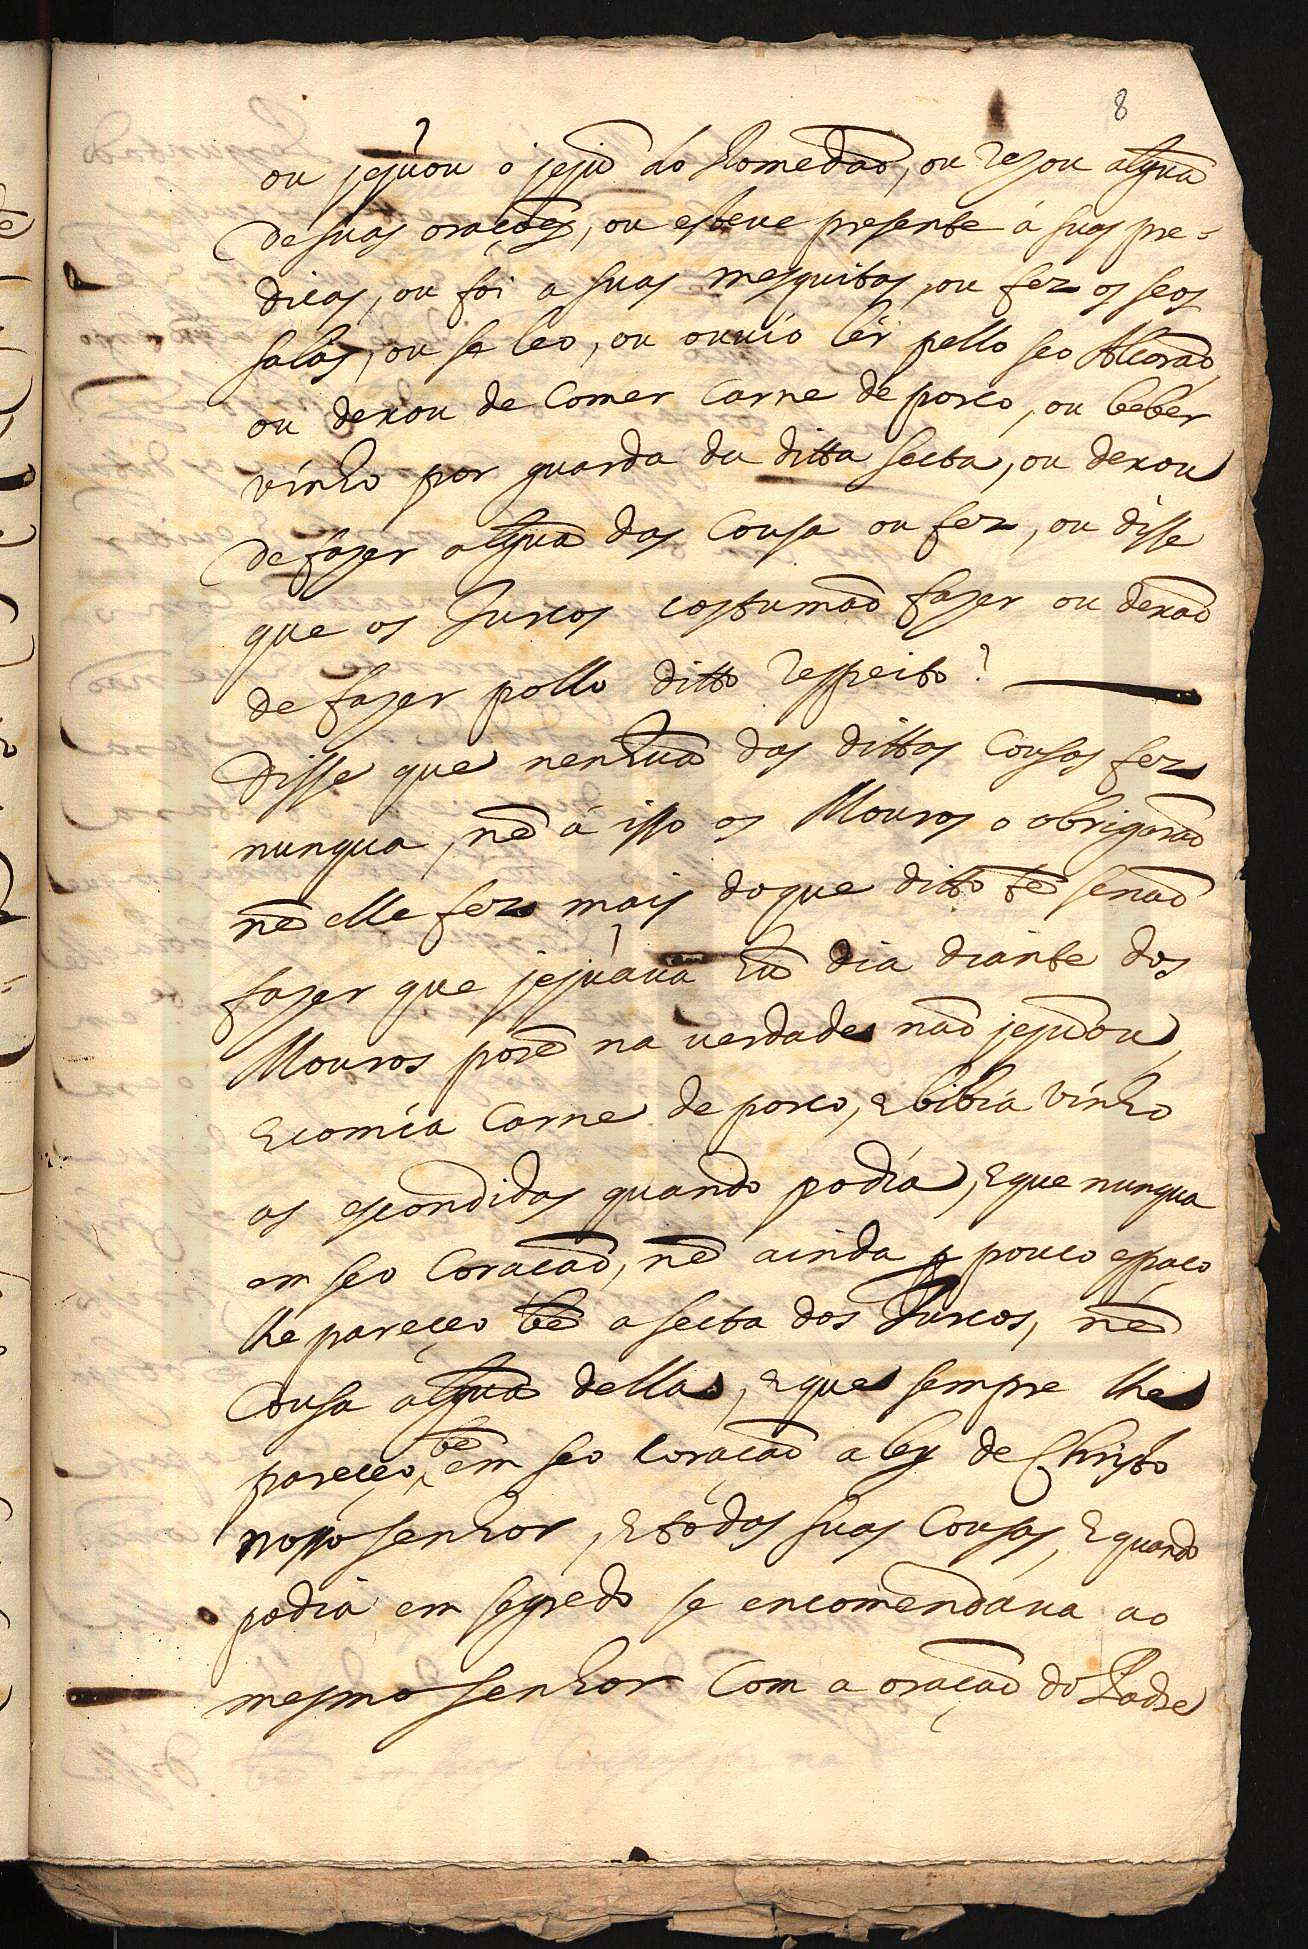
ou jejūou o jejū do Romedaõ, ou rezou alguā
de suas orações, ou esteue presente á suas pre
dicas, ou foi a suas mesquitas, ou fez os seos
salas, ou se leo, ou ouuio ler pello seo Alcorão
ou dexou de comer carne de porco, ou beber
vinho por guarda da ditta secta, ou dexou
de fazer algūa das cousa ou fez, ou disse
que os turcos costumão fazer ou derão
de fazer pollo ditto respeito?
Disse que nenhuā das dittas cousas fez
nunqua, nē á isso os Mouros e obrigaraõ
nē elle fez mais do que ditto tē senaõ
fazer que jejūaua hū dia diante dos
Mouros porē na uerdade naõ jejūou
E comia carne de porco, E bibia vinho
as escondidas quando podia, E que nunqua
em seo coração, nē ainda ꝑ pouco espaço
lhe pareceo bē a secta dos Turcos, nē
cousa algūa della, E que sempre lhe
pareceo bē em seo coraçaõ a ley de Christo
nosso senhor, E todas suas cousas, E quando
podia em segredo se encomendaua ao
mesmo senhor com a oração do Padre
